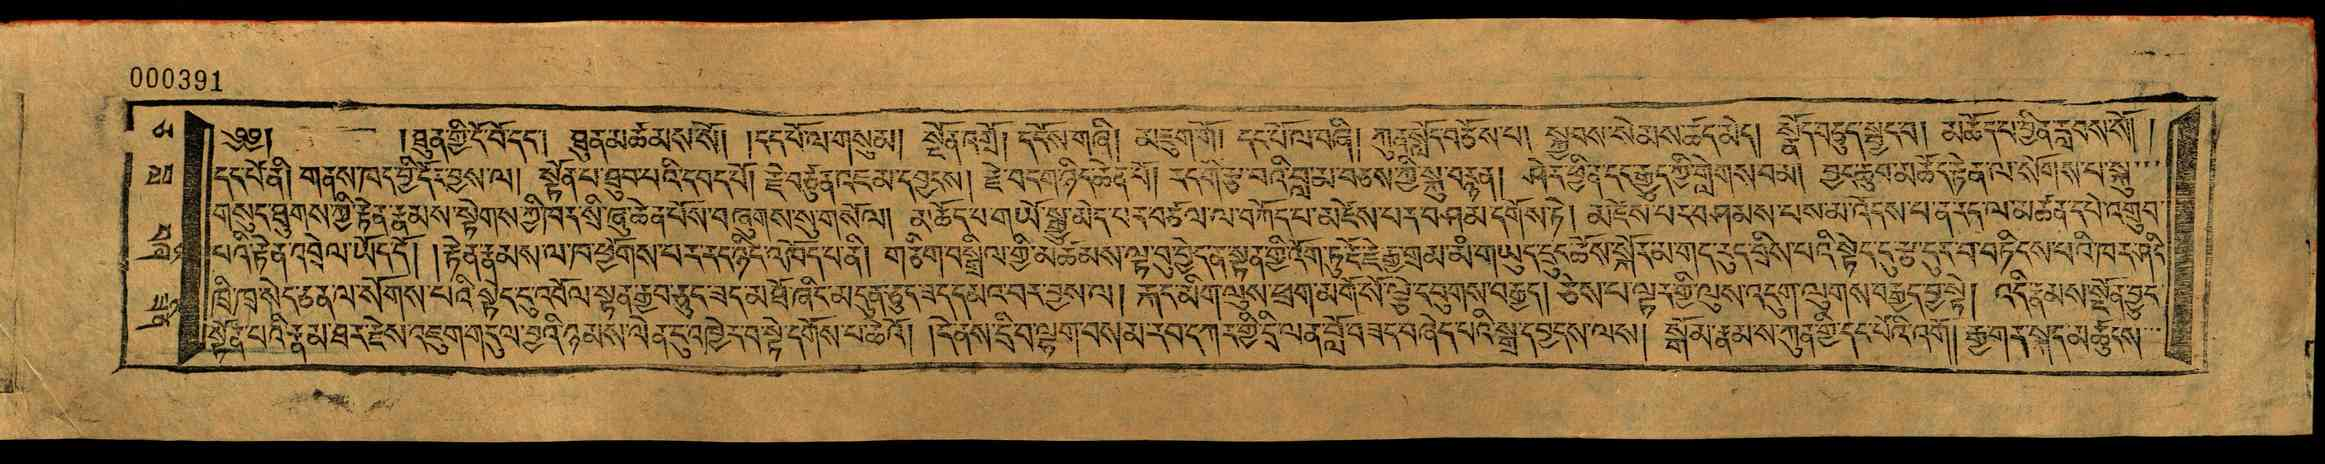༄༅། །ཐུན་གྱི་ངོ་བོ་དང་། ཐུན་མཚམས་སོ། །དང་པོ་ལ་གསུམ། སྔོན་འགྲོ། དངོས་གཞི། མཇུག་གོ། དང་པོ་ལ་བཞི། ཀུན་སློང་བཅོས་པ། སྐྱབས་སེམས་ཚད་མེད། སྣོད་བཅུད་སྦྱང་བ། མཆོད་པ་བྱིན་རླབས་སོ། །
དང་པོ་ནི། གནས་ཁང་བྱི་དོར་བྱས་ལ། སྟོན་པ་ཐུབ་པའི་དབང་པོ། རྗེ་བཙུན་འཇམ་དབྱངས། རྗེ་བདག་ཉིད་ཆེན་པོ། རང་གི་རྩ་བའི་བླ་མ་བཅས་ཀྱི་སྐུ་བརྙན། ཤེར་ཕྱིན་དང་རྒྱུད་ཀྱི་གླེགས་བམ། བྱང་ཆུབ་མཆོད་རྟེན་ལ་སོགས་པ་སྐུ་
གསུང་ཐུགས་ཀྱི་རྟེན་རྣམས་སྟེགས་ཀྱི་ཁར་སྲི་ཞུ་ཆེན་པོས་བཞུགས་སུ་གསོལ། མཆོད་པ་གཡོ་སྒྱུ་མེད་པར་བཙལ་ལ་བཀོད་པ་མཛེས་པར་བཤམ་དགོས་ཏེ། མཛེས་པར་བཤམས་པས་མ་འོངས་པ་ན་རང་ལ་མཚན་དཔེ་འགྲུབ་
པའི་རྟེན་འབྲེལ་ཡོད་དོ། །རྟེན་རྣམས་ལ་ཁ་ཕྱོགས་པར་རང་ཉིད་འཁོད་པ་ནི། གཅིག་བསྒྲིལ་གྱི་མཚམས་ལྟ་བུ་བྱེད་ན་སྟན་གྱི་འོག་ཏུ་རྡོ་རྗེ་རྒྱ་གྲམ་མཾ་གཡུང་དྲུང་ཆོས་སྐོར་མ་གང་རུང་བྲིས་པའི་སྟེང་དུ་རྩ་དུར་པ་བཏིངས་པའི་ཁར་ཤིང་
ཁྲི་ཁྲ་སེང་ཅན་ལ་སོགས་པའི་སྟེང་དུ་འབོལ་སྟན་རྒྱབ་ཅུང་ཟད་མཐོ་ཞིང་མདུན་ཅུང་ཟད་དམའ་བར་བྱས་ལ། རྐང་མིག་ལུས་ཕྲག་མགོ་སོ་ལྕེ་དབུགས་བརྒྱད། ཅེས་པ་ལྟར་གྱི་ལུས་འདུག་ལུགས་བརྒྱད་བྱ་སྟེ། འདི་རྣམས་སྔོན་བྱུང་
སྟོན་པའི་རྣམ་ཐར་རྗེས་འཇུག་གདུལ་བྱའི་ཉམས་ལེན་དུ་འཁྱེར་པ་སྟེ་དགོས་པ་ཆེའོ། །དེ་ནས་དྲི་བ་ལྷག་བསམ་རབ་དཀར་གྱི་དྲི་ལན་བློ་བཟང་བཞེད་པའི་སྒྲ་དབྱངས་ལས། སྒོམ་རྣམས་ཀུན་གྱི་དང་པོའི་འགོ། རྒྱ་གར་སྐད་མཚུངས་